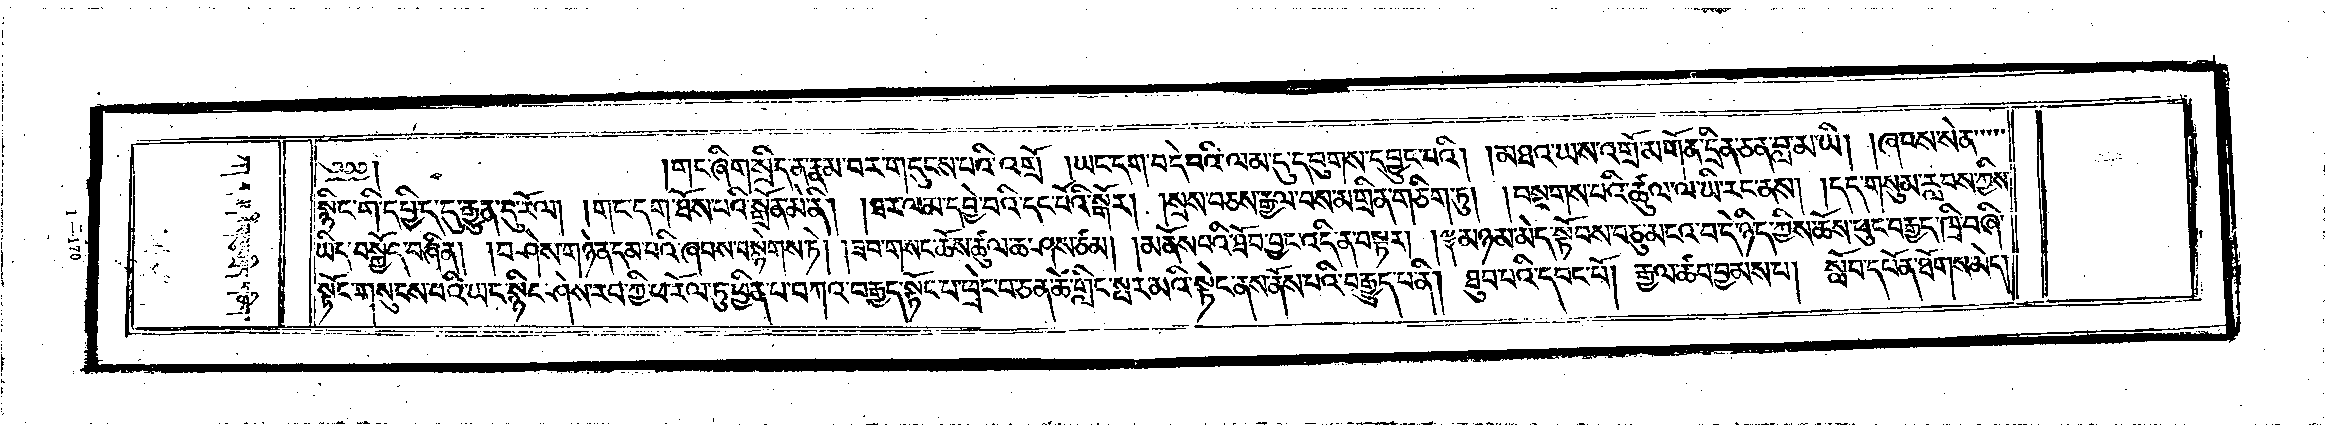༄༅༅། །གང་ཞིག་སྲིད་ན་རྣམ་བར་གདུངས་པའི་འགྲོ་།ཡང་དག་བདེ་བའི་ལམ་དུ་དབུགས་དབྱུང་བའི། །མཐའ་ཡས་འགྲོ་མགོན་དྲིན་ཅན་བླ་མ་ཡི། །ཞབས་སེན་
སྙིང་གི་དཔྱིད་དུ་རྒྱུན་དུ་རོལ། །གང་དག་ཐོས་པའི་སྒྲོན་མེ་ནི། །ཐར་ལམ་དབྱེ་བའི་དང་པོའི་སྒོར། །སྲས་བཅས་རྒྱལ་བས་མགྲིན་གཅིག་ཏུ། །བསྔགས་པའི་ཚུལ་ལ་ཡི་རང་ནས། །དད་གསུམ་རླབས་ཀྱིས་
ཡིད་བསྐྱོད་བཞིན། །བཤེས་གཉེན་དམ་པའི་ཞབས་བསྙེགས་ཏེ། །ཟབ་གསང་ཆོས་ཚུལ་ཆ་ཤས་ཙམ། །མ་ནོས་བའི་ཐོབ་བྱང་འདི་ན་བསྟར། ། ༈ མཉམ་མེད་སྟོབས་བཅུ་མངའ་བདེ་ཉིད་ཀྱིས་ཆོས་ཕུང་བརྒྱད་ཁྲི་བཞི་
སྟོང་གསུངས་པའི་ཡང་སྙིང་ཤེས་རབ་ཀྱི་ཕ་རོལ་ཏུ་ཕྱིན་པ་བཀའ་བརྒྱད་སྟོང་པ་ཕྲེང་བ་ཅན་ཚེ་གླིང་སྤར་མའི་སྟེང་ནས་ནོས་པའི་བརྒྱུད་པ་ནི། ཐུབ་པའི་དབང་པོ། རྒྱལ་ཚབ་བྱམས་པ། སློབ་དཔོན་ཐོགས་མེད་